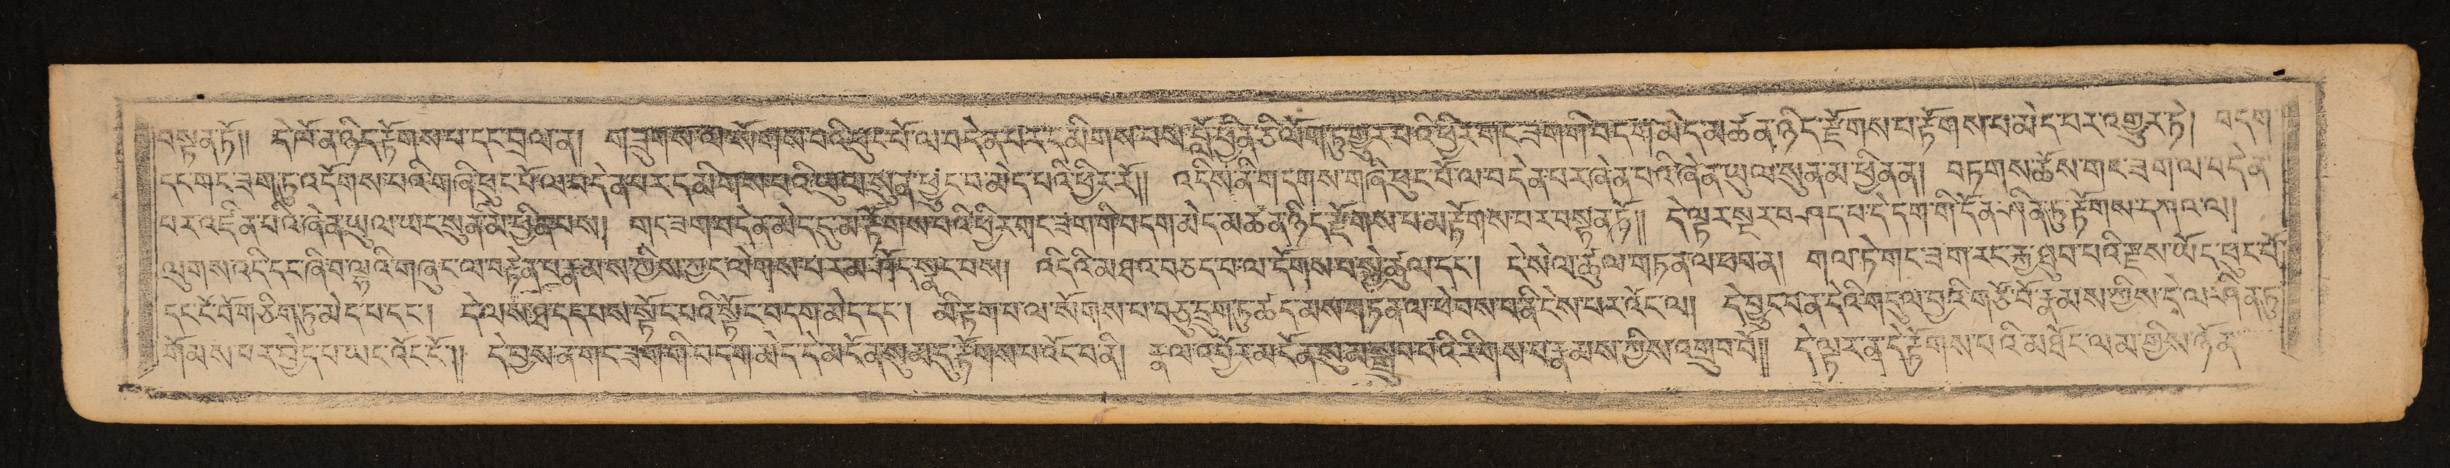བསྟན་ཏོ།། དེ་ཁོ་ན་ཉིད་རྟོགས་པ་དང་བྲལ་ན། གཟུགས་ལ་སོགས་པའི་ཕུང་པོ་ལ་བདེན་པར་དམིགས་པས། བློ་ཕྱིན་ཅི་ལོག་ཏུ་གྱུར་པའི་ཕྱིར། གང་ཟག་གི་བདག་མེད་མཚན་ཉིད་རྫོགས་པ་རྟོགས་པ་མེད་པར་འགྱུར་ཏེ། བདག་
དང་གང་ཟག་ཏུ་འདོགས་པའི་གཞི་ཕུང་པོ་ལ་བདེན་པར་དམིགས་པའི་ཡུལ་སུན་ཕྱུང་བ་མེད་པས་ཕྱིར་རོ།། འདིས་ནི་གདགས་གཞི་ཕུང་པོ་ལ་བདེན་པར་ཞེན་པའི་ཞེན་ཡུལ་སུན་མ་ཕྱིན་ན། བཏགས་ཆོས་གང་ཟག་ལ་བདེན་
པར་འཛིན་པའི་ཞེན་ཡུལ་ཡང་སུན་མི་ཕྱིན་པས། གང་ཟག་བདེན་མེད་དུ་མ་རྟོགས་པའི་ཕྱིར། གང་ཟག་གི་བདག་མེད་མཚན་ཉིད་རྫོགས་པ་མ་རྟོགས་པར་བསྟན་ཏོ།། དེ་ལྟར་སྔར་བཤད་པ་དེ་དག་གི་དོན་ཤིན་ཏུ་རྟོགས་དཀའ་ལ།
ལུགས་འདི་དང་ཞི་བ་ལྷའི་གཞུང་ལ་བརྟེན་པ་རྣམས་ཀྱིས་ཀྱང་ལེགས་པར་མ་ཤོད་སྣང་བས། འདིའི་མཐའ་བཅད་པ་ལ་དོགས་པ་སྐྱེ་ཚུལ་དང་། དེ་སེལ་ཚུལ་གཏན་ལ་ཕབ་ན། གལ་ཏེ་གང་ཟག་རང་རྐྱ་ཐུབ་པའི་རྫས་ཡོད་ཕུང་པོ་
དང་ངོ་བོ་གཅིག་ཏུ་མེད་པ་དང་། དེ་ལས་ཐ་དད་པས་སྟོང་པའི་སྟོང་བདག་མེད་དང་། མི་རྟག་པ་ལ་སོགས་པ་བཅུ་དྲུག་ཏུ་ཚད་མས་གཏན་ལ་ཕེབས་པ་ནི་ངེས་པར་འོང་ལ། དེ་བྱུང་བ་ན་དེའི་གདུལ་བྱའི་གཙོ་བོ་རྣམས་ཀྱིས་དེ་ལ་ཤིན་ཏུ་
གོམས་པར་བྱེད་པ་ཡང་འོང་ངོ།། དེ་བྱས་ན་གང་ཟག་གི་བདག་མེད་དེ་མངོན་སུམ་དུ་རྟོགས་པ་འོང་བ་ནི། རྣལ་འབྱོར་མངོན་སུམ་སྒྲུབ་པའི་རིགས་པ་རྣམས་ཀྱིས་འགྲུབ་བོ།། དེ་ལྟར་ན་དེ་རྟོགས་པའི་མཐོང་ལམ་གྱིས་ཉོན་